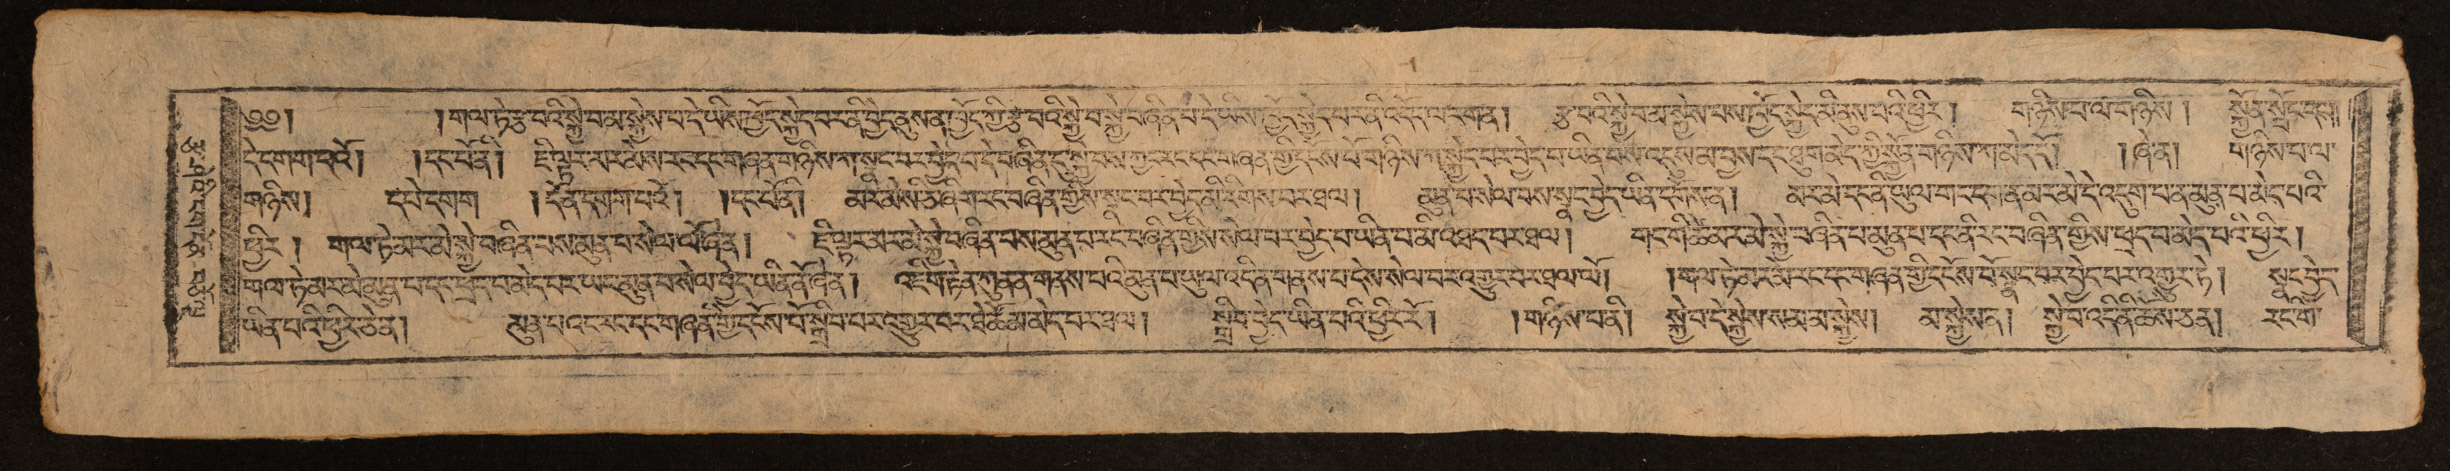༄༅། །གལ་ཏེ་རྩ་བའི་སྐྱེ་བ་མ་སྐྱེས་པ་དེ་ཡིས་ཁྱོད་སྐྱེད་པར་ནི་བྱེད་ནུས་ན་ཁྱོད་ཀྱི་རྩ་བའི་སྐྱེ་བ་སྐྱེ་བཞིན་པ་དེ་ཡིས་ཁྱོད་སྐྱེད་པར་ནི་འདོད་ལ་རག་ན། རྩ་བའི་སྐྱེ་བ་མ་སྐྱེས་པས་ཁྱོད་སྐྱེད་མི་ནུས་པའི་ཕྱིར། གཉིས་པ་ལ་གཉིས། སྐྱོན་སྤོང་དང་།
དེ་དགག་པའོ། །དང་པོ་ནི། ཇི་ལྟར་མར་མེས་རང་དང་གཞན་གཉིས་ཀ་སྣང་བར་བྱེད་པ་དེ་བཞིན་དུ་སྐྱེ་བས་ཀྱང་རང་དང་གཞན་གྱི་དངོས་པོ་གཉིས་ཀ་སྐྱེད་པར་བྱེད་པ་ཡིན་པས་འདུས་མ་བྱས་དང་ཐུག་མེད་ཀྱི་སྐྱོན་གཉིས་ཀ་མེད་དོ། །ཞེ་ན། གཉིས་པ་ལ་
གཉིས། དཔེ་དགག །དོན་དགག་པའོ། །དང་པོ་ནི། མར་མེས་ཅི་ཞིག་རང་བཞིན་གྱིས་སྣང་བར་བྱེད་མི་རིགས་པར་ཐལ། མུན་པ་སེལ་བས་སྣང་བྱེད་ཡིན་དགོས་ན། མར་མེ་དང་ནི་ཡུལ་གང་དག་ན་མར་མེ་དེ་འདུག་པ་ན་མུན་པ་མེད་པའི་
ཕྱིར། གལ་ཏེ་མར་མེ་སྐྱེ་བཞིན་པས་མུན་པ་སེལ་ལོ་ཞེ་ན། ཇི་ལྟར་མར་མེ་སྐྱེ་བཞིན་པས་མུན་པ་རང་བཞིན་གྱིས་སེལ་བར་བྱེད་པ་ཡིན་པ་མི་འཐད་པར་ཐལ། གང་གི་ཚེ་མར་མེ་སྐྱེ་བཞིན་པ་མུན་པ་དང་ནི་རང་བཞིན་གྱིས་ཕྲད་པ་མེད་པའི་ཕྱིར།
གལ་ཏེ་མར་མེ་མུན་པ་དང་ཕྲད་པ་མེད་པར་ཡང་མུན་པ་སེལ་བྱེད་ཡིན་ནོ་ཞེ་ན། འཇིག་རྟེན་ཀུན་ན་གནས་པའི་མུན་པ་ཡུལ་འདི་ན་གནས་པ་དེས་སེལ་བར་འགྱུར་བར་ཐལ་ལོ། །གལ་ཏེ་མར་མེ་རང་དང་གཞན་གྱི་དངོས་པོ་སྣང་བར་བྱེད་པར་འགྱུར་ཏེ། སྣང་བྱེད་
ཡིན་པའི་ཕྱིར་ཅེ་ན། མུན་པའང་རང་དང་གཞན་གྱི་དངོས་པོ་སྒྲིབ་པར་འགྱུར་བར་ཐེ་ཚོམ་མེད་པར་ཐལ། སྒྲིབ་བྱེད་ཡིན་པའི་ཕྱིར་རོ། །གཉིས་པ་ནི། སྐྱེ་བ་དེ་སྐྱེས་སམ་མ་སྐྱེས། མ་སྐྱེས་ན། སྐྱེ་བ་འདི་ནི་ཆོས་ཅན། རང་གི་